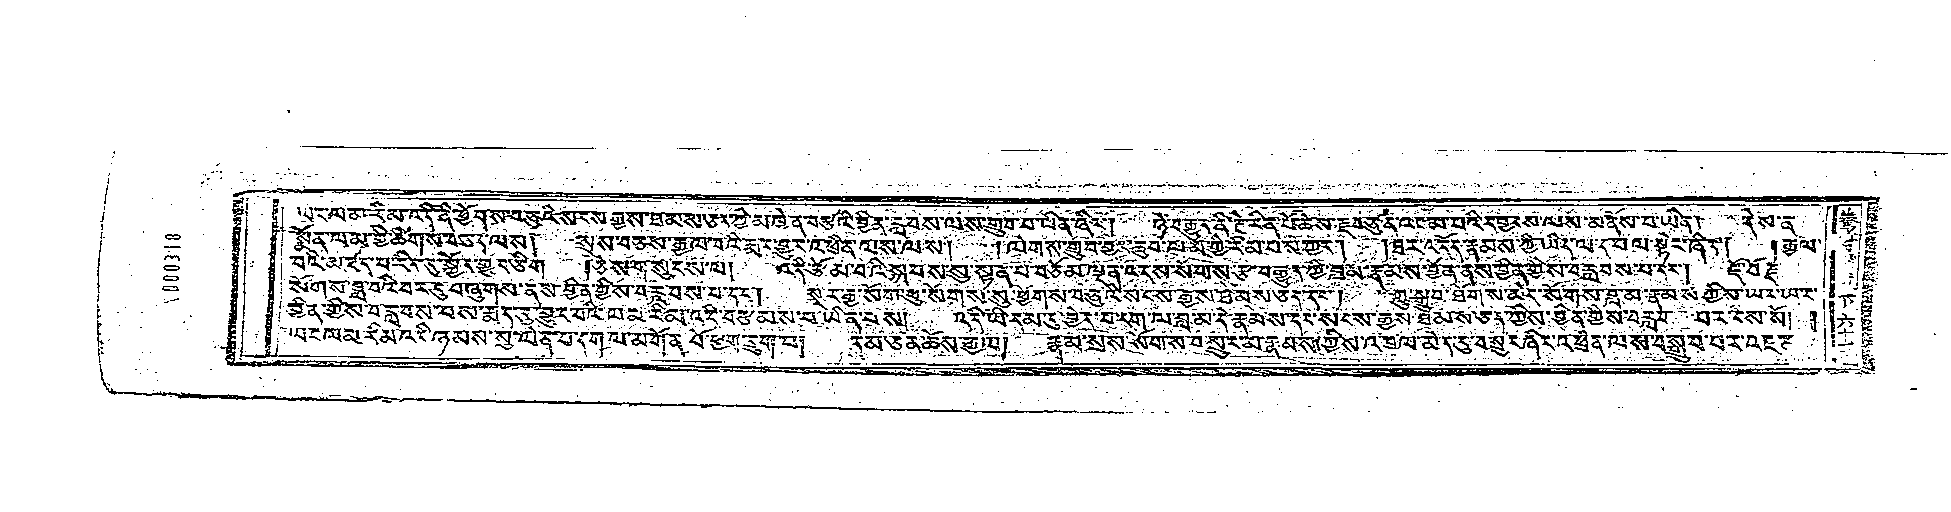ཡང་ལམ་རིམ་འདི་ནི་ཕྱོགས་བཅུའི་སངས་རྒྱས་ཐམས་ཅད་ཀྱི་མཁྱེན་བརྩའི་བྱིན་རླབས་ལས་གྲུབ་པ་ཡིན་ཞིང་། ཉེ་བརྒྱུད་ནི་རྗེ་རིན་པོ་ཆེས་རྗེ་བཙུན་འཇམ་པའི་དབྱངས་ལས་མནོས་པ་ཡིན། དེས་ན་
སྨོན་ལམ་གྱི་ཚིགས་བཅད་ལས། སྲས་བཅས་རྒྱལ་བའི་རྨད་བྱུང་འཕྲིན་ལས་ལས། །ལེགས་གྲུབ་བྱང་ཆུབ་ལམ་གྱི་རིམ་པས་ཀྱང་། །ཐར་འདོད་རྣམས་ཀྱི་ཡིད་ལ་དཔལ་སྟེར་ཞིང་། །རྒྱལ་
བའི་མཛད་པ་རིང་དུ་སྐྱོང་གྱུར་ཅིག །ཅེས་གསུངས་ལ། འདི་རྩོམ་པའི་སྐབས་སུ་སྟན་པ་བཅོམ་ལྡན་འདས་སོགས་རྩ་བརྒྱུད་ཀྱི་བླ་མ་རྣམས་བྱོན་ནས་བྱིན་གྱིས་བརླབས་པ་དང་། ཇོ་བོ་རྗེ་
སོགས་ཟླ་བའི་བར་དུ་བཞུགས་ནས་བྱིན་གྱིས་བརླབས་པ་དང་། སྔར་རྒྱ་སོགས་སུ་སོགས་སུ་ཕྱོགས་བཅུའི་སངས་རྒྱས་ཐམས་ཅད་དང་། ཀླུ་སྒྲུབ་ཐོགས་མེད་སོགས་བླ་མ་རྣམས་ཀྱིས་ཡར་ཡང་བྱིན་གྱིས་བརླབས་པས་རྨད་དུ་བྱུང་བའི་ལམ་རིམ་འདི་བརྩམས་པ་ཡིན་པས། འདི་ཡི་དམ་དུ་བྱེད་པ་དག་ལ་བླ་མ་དེ་རྣམས་དང་སངས་རྒྱས་ཐམས་ཅད་ཀྱིས་བྱིན་གྱིས་བརླབ་བར་ངེས་སོ། །
ཡང་ལམ་རིམ་འདི་ཉམས་སུ་ལེན་པ་དག་ལ་མགོན་པོ་ཕྱག་དྲུག་བ། དམ་ཅན་ཆོས་རྒྱལ། རྣམ་སྲས་སོགས་བསྲུང་མ་རྣམས་ཀྱིས་འབྲལ་མེད་དུ་བསྲུང་ཞིང་འཕྲིན་ལས་བསྒྲུབ་བར་འཇམ་